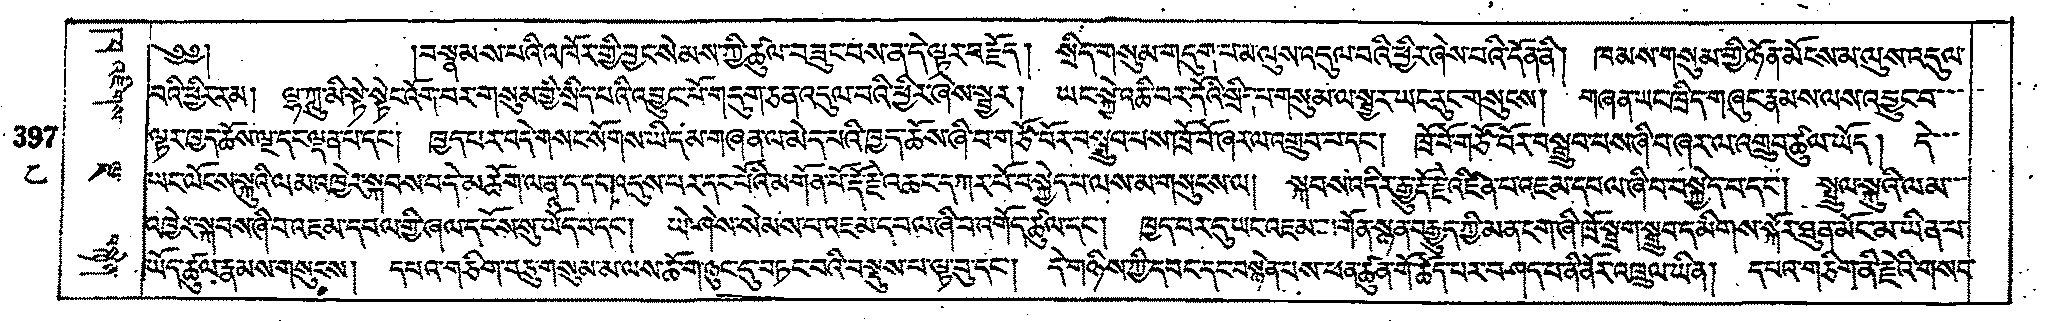༄༅། །བསྣམས་པའི་འཁོར་གྱི་བྱང་སེམས་ཀྱི་ཚུལ་བཟུང་བས་ན་དེ་ལྟར་བརྗོད། སྲིད་གསུམ་གདུག་པ་མ་ལུས་འདུལ་བའི་ཕྱིར་ཞེས་པའི་དོན་ནི། ཁམས་གསུམ་གྱི་ཉོན་མོངས་མ་ལུས་འདུལ་
བའི་ཕྱིར་རམ། ལྷ་ཀླུ་མི་སྟེ་སྟེང་འོག་བར་གསུམ་གྱི་སྲིད་པའི་འབྱུང་པོ་གདུག་ཅན་འདུལ་བའི་ཕྱིར་ཞེས་སྦྱར། ཡང་སྐྱེ་འཆི་བར་དོའི་སྲིད་པ་གསུམ་ལ་སྦྱར་ཡང་རུང་གསུངས། གཞན་ཡང་ཁྲིད་གཞུང་རྣམས་ལས་འབྱུང་བ་་་
ལྟར་ཁྱད་ཆོས་ལྔ་དང་ལྡན་པ་དང་། ཁྱད་པར་བདེ་གསང་སོགས་ཡིད་མ་གཞན་ལ་མེད་པའི་ཁྱད་ཆོས་ཞི་བ་གཙོ་བོར་བསྒྲུབ་པས་ཁྲོ་བོ་ཞར་ལ་འགྲུབ་པ་དང་། ཁྲོ་བོ་གཙོ་བོར་བསྒྲུབ་པས་ཞི་བ་ཞར་ལ་འགྲུབ་ཚུལ་ཡོད། དེ་་་
ཡང་ལོངས་སྐུའི་ལམ་འཁྱེར་སྐབས་བདེ་མཆོག་ལ་ནཱ་ད་དང་། འདུས་པར་དང་པོའི་མགོན་པོ་རྡོ་རྗེ་འཆང་དཀར་པོ་བསྐྱེད་པ་ལས་མ་གསུངས་ལ། སྐབས་འདིར་རྒྱུ་རྡོ་རྗེ་འཛིན་པ་འཇམ་དཔལ་ཞི་བ་བསྐྱེད་པ་དང་། སྤྲུལ་སྐུའི་ལམ་་་
འཁྱེར་སྐབས་ཞི་བ་འཇམ་དཔལ་གྱི་ཞལ་དངོས་སུ་ཡོད་པ་དང་། ཡེ་ཤེས་སེམས་པ་འཇམ་དཔལ་ཞི་བ་འགོད་ཚུལ་དང་། ཁྱད་པར་དུ་ཡང་འཇམ་མགོན་སྙན་བརྒྱུད་ཀྱི་མན་ངག་ཞི་ཁྲོ་སྦྲག་སྒྲུབ་དམིགས་སྐོར་ཐུན་མོང་མ་ཡིན་པ་
ཡོད་ཚུལ་རྣམས་གསུངས། དཔའ་གཅིག་བཅུ་གསུམ་མ་ལས་ཆོ་ག་ཉུང་དུ་བཏང་བའི་བསྡུས་པ་ལྟ་བུ་དང་། དེ་གཉིས་ཀྱི་དབང་དང་བསྙེན་པས་ཕན་ཚུན་གོ་ཆོད་པར་བཤད་པ་ནི་ནོར་འཁྲུལ་ཡིན། དཔའ་གཅིག་ནི་རྗེའི་གསང་